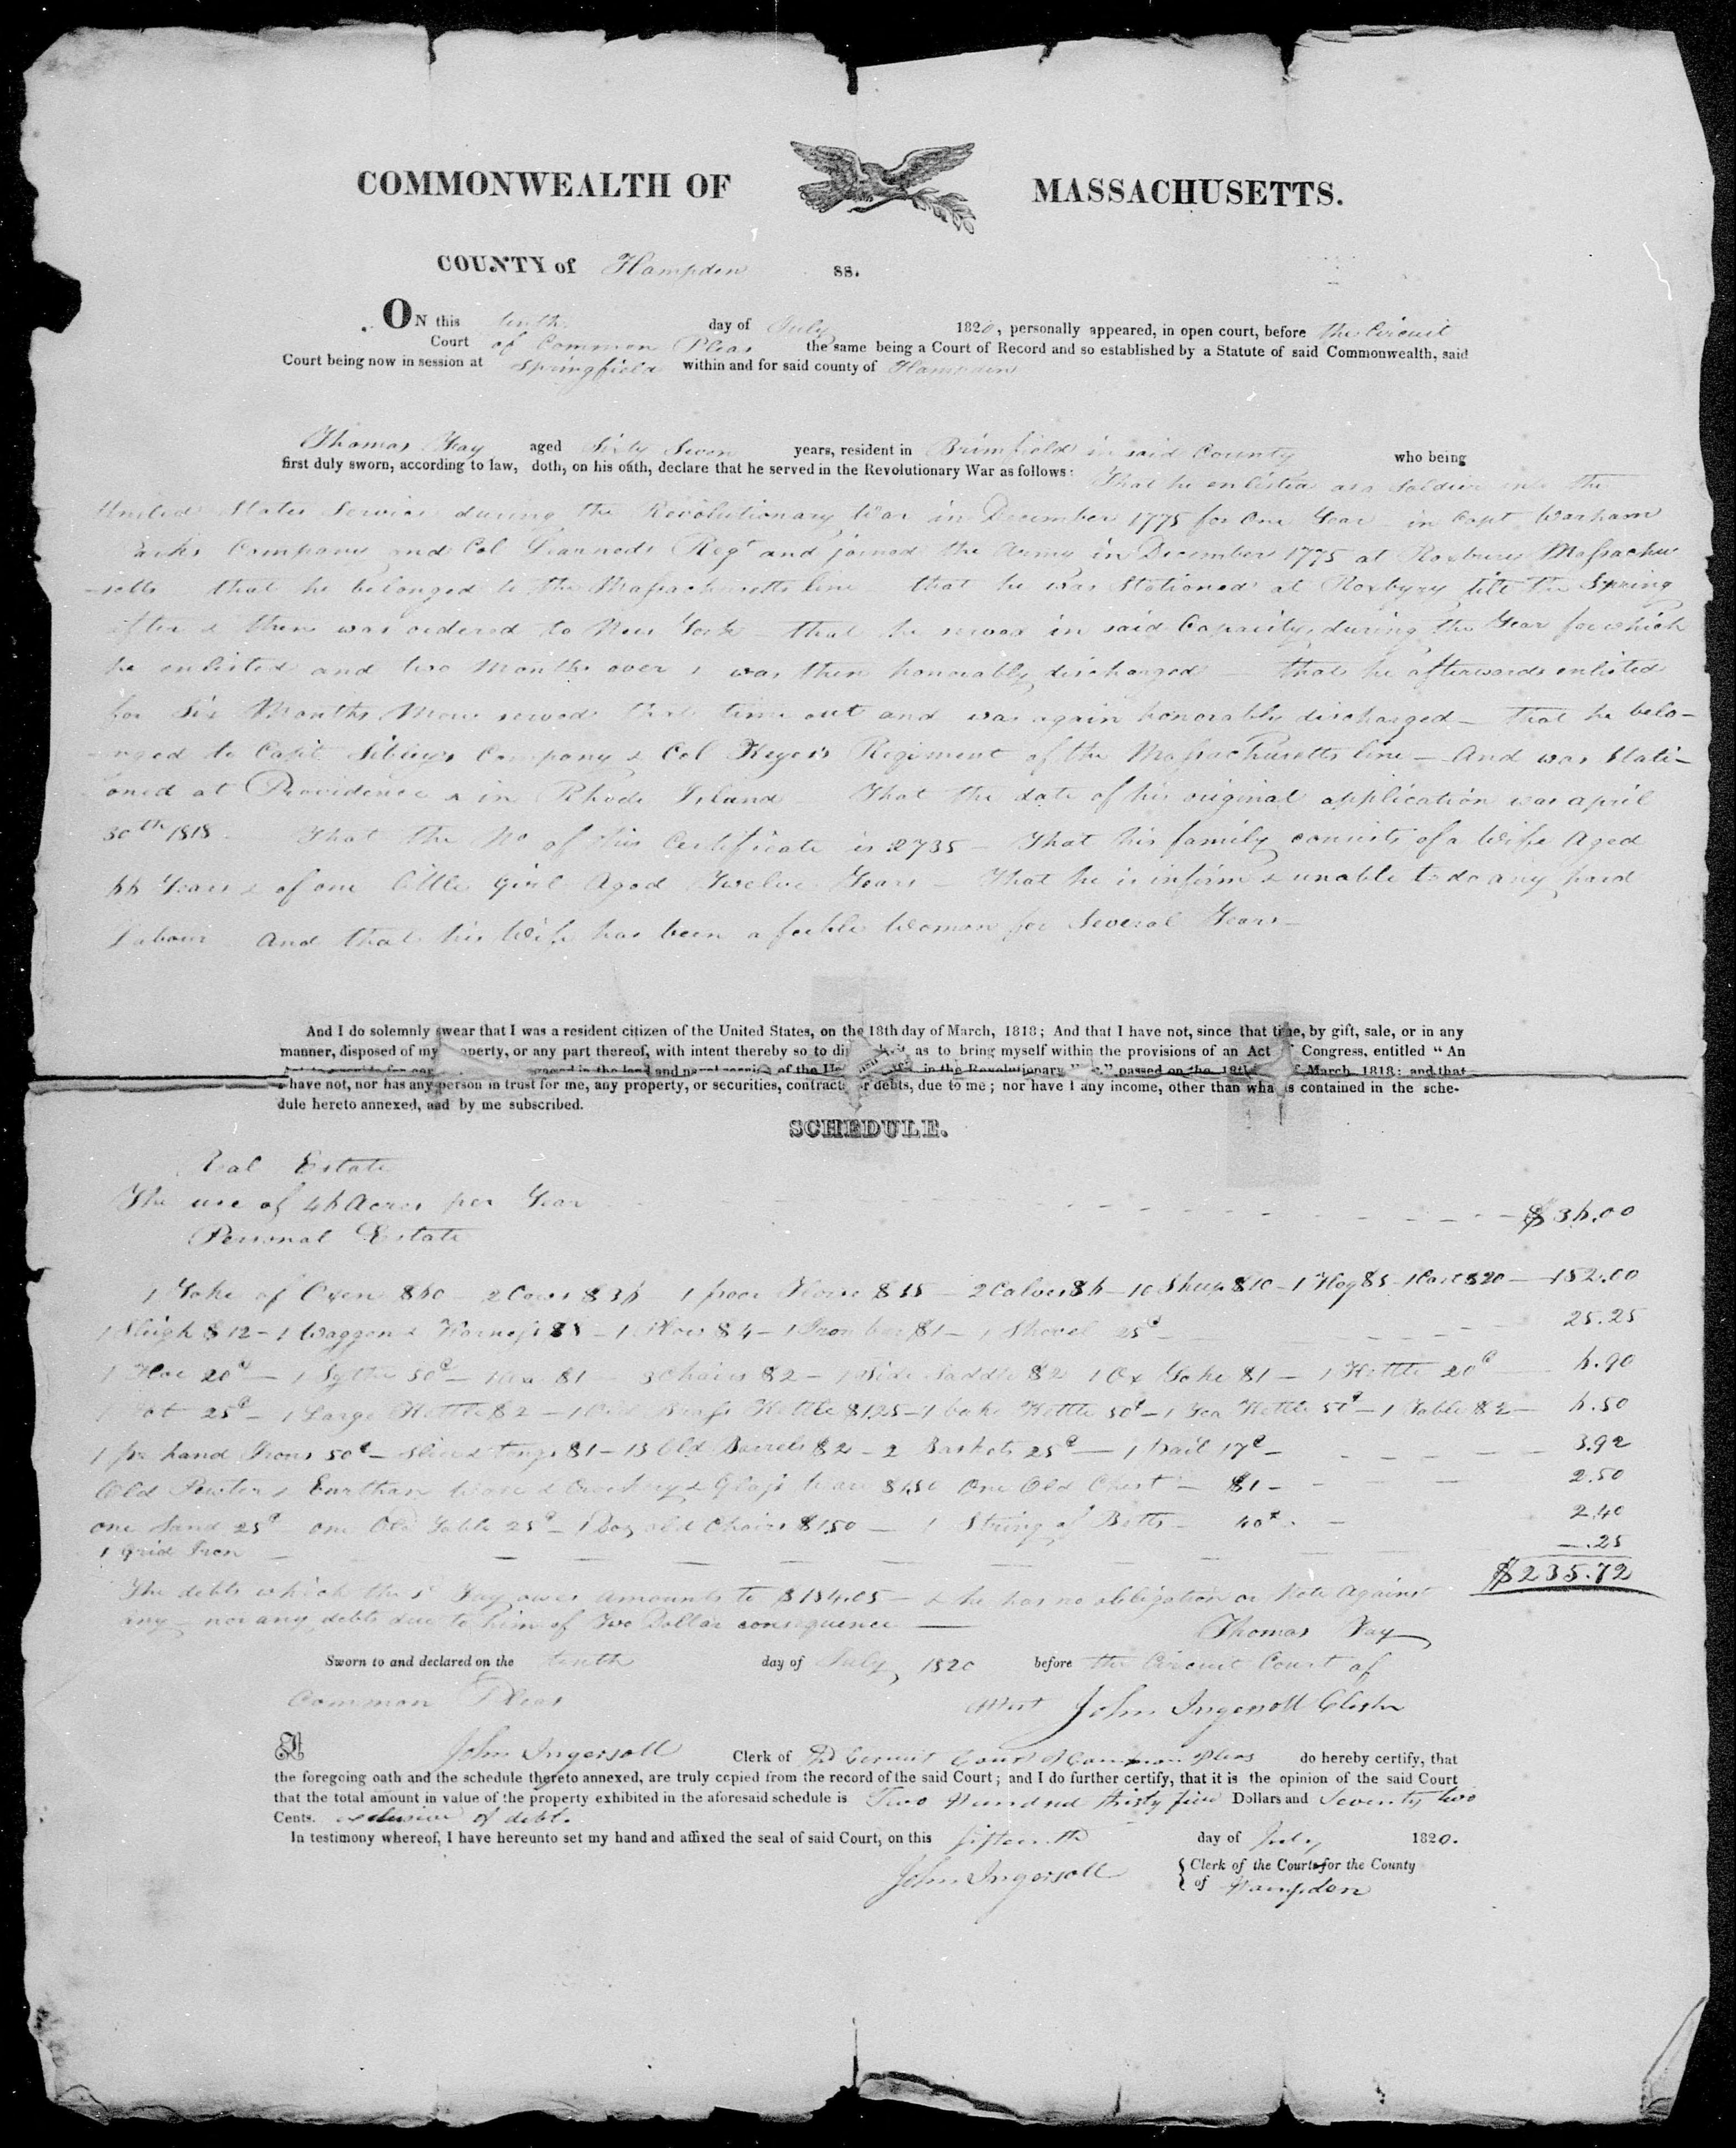COMMONWEALTH OF MASSACHUSETTS
COUNTY of Hampden  88.

On this tenth day of July 1820, personally appeared, in open court, before the Circuit
Court of Common Pleas the same being a Court of Record and so established by a Statute of said Commonwealth, said
Court being now in session at Springfield within and for said county of Hampden

Thomas Fay aged sixty Seven years, resident in Brimfield in said County
who being first duly sworn, according to law, doth, on his oath, declare that he served in the Revolutionary War as follows: That he enlisted in the 
United States Service during the Revolutionary War in December 1775 for one year in Capt Warham Park's Company and Col Fearned Regt and joined the Army in December 1775 at Roxbury Massachusetts that he belonged to the Massachusetts line that he was stationed at Roxbury till the Spring
after then was ordered to New York - that he served in said capacity, during the year for which
he enlisted and two months over, was then honorably discharged that he afterwards enlisted
for six months or served that time out and was again honorably discharged - that he beloaged
to Capt Sibleys Company & Col Keyes' Regiment of the Massachusetts line--and was stati
oned at Providence in Rhode Island That the date of his original application was april
30th 1818 That the nor of his certificate is 1735 That his family consists of a wife aged
66 and of one little Girl aged Twelve years - That he is infirm & unable to do any and
Labour and that his wife has been a feeble Comon for several years
The
swear that I was a resident citizen of the United States, on the 18th day of March, 1818; and that I have not, since that the, by gift, sale, or in any
manner, disposed of my property, or any part thereof, with intent thereby so to do as to bring myself within the provisions of an Act of Congress, entitled ""Annot

, nor
has any person in trust for me, any property, or securities, contracts or debts, due to me; nor have I any income, other than that is contained in the shedule
hereto annexed, and by me subscribed.
SCHEDULE.
all
&
Penn
1 Yoke of
High $12 -
20th
25th
1 hand
Ald Benton
one and 25th
give Iron
the debts inno


1820.
Estate
46 Acres per year
nal Estate
36.00
Gen 60 2 Cows 361 for No 815- 2 Calves 10 Sheep & 101 Hog or 20-182.00
Waggon & Harney - 1 to 84 - 1 Iron bar - Shovel 25
25.25
the 50 the 81 chains & 2 fide Saddle $2 1 Ox Yoke 1- 1 Kettle 20
6
-
6.90
Large Kettle 82 - 1 Kettle 1.25-1 Bake Kettle 30 1 Yea Kettle 5 - 1 Table $2 - 6.50
50 Shed tongs 1- 13 Old Barrels $2-2 Baskets 25 - 1 pail 17-
3.92
Earthan lose Crocky Glashan 100 One Old Chest $1-
2.50
one Old Table 25 1 Day old Chairs $150 - 1 Strong of Betts 40-
2,40
25
which the 1 day ower amounts to $184.05. & he has no obligation of Note against
$235.72
any debts due to him of Two Dollars consequence-
Sworn to and declared on the the
Common Pleas
day of July 1820
Thomas Day
before the Circuit Court of
West John Ingersoll Close
John Ingersoll Clerk of Current Court of Common Pleas do hereby certify, that the
foregoing oath and the schedule thereto annexed, are truly copied from the record of the said Court; and I do further certify, that it is the opinion of the said Court
that the total amount in value of the property exhibited in the aforesaid schedule is Two hundred thirty five dollars and seventy two
Cents recession of debt.
In testimony whereof, I have hereunto set my hand and affixed the seal of said Court, on this fifteenth
John Ingersoll
day of July
Clerk of the Court for the County
of Hampton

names: John Ingersoll, John Ingersoll, John Ingersoll, Thomas Fay, Thomas Fay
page: 11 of 31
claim: survivor's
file: S. 34,839, Thomas Fay, Mass.